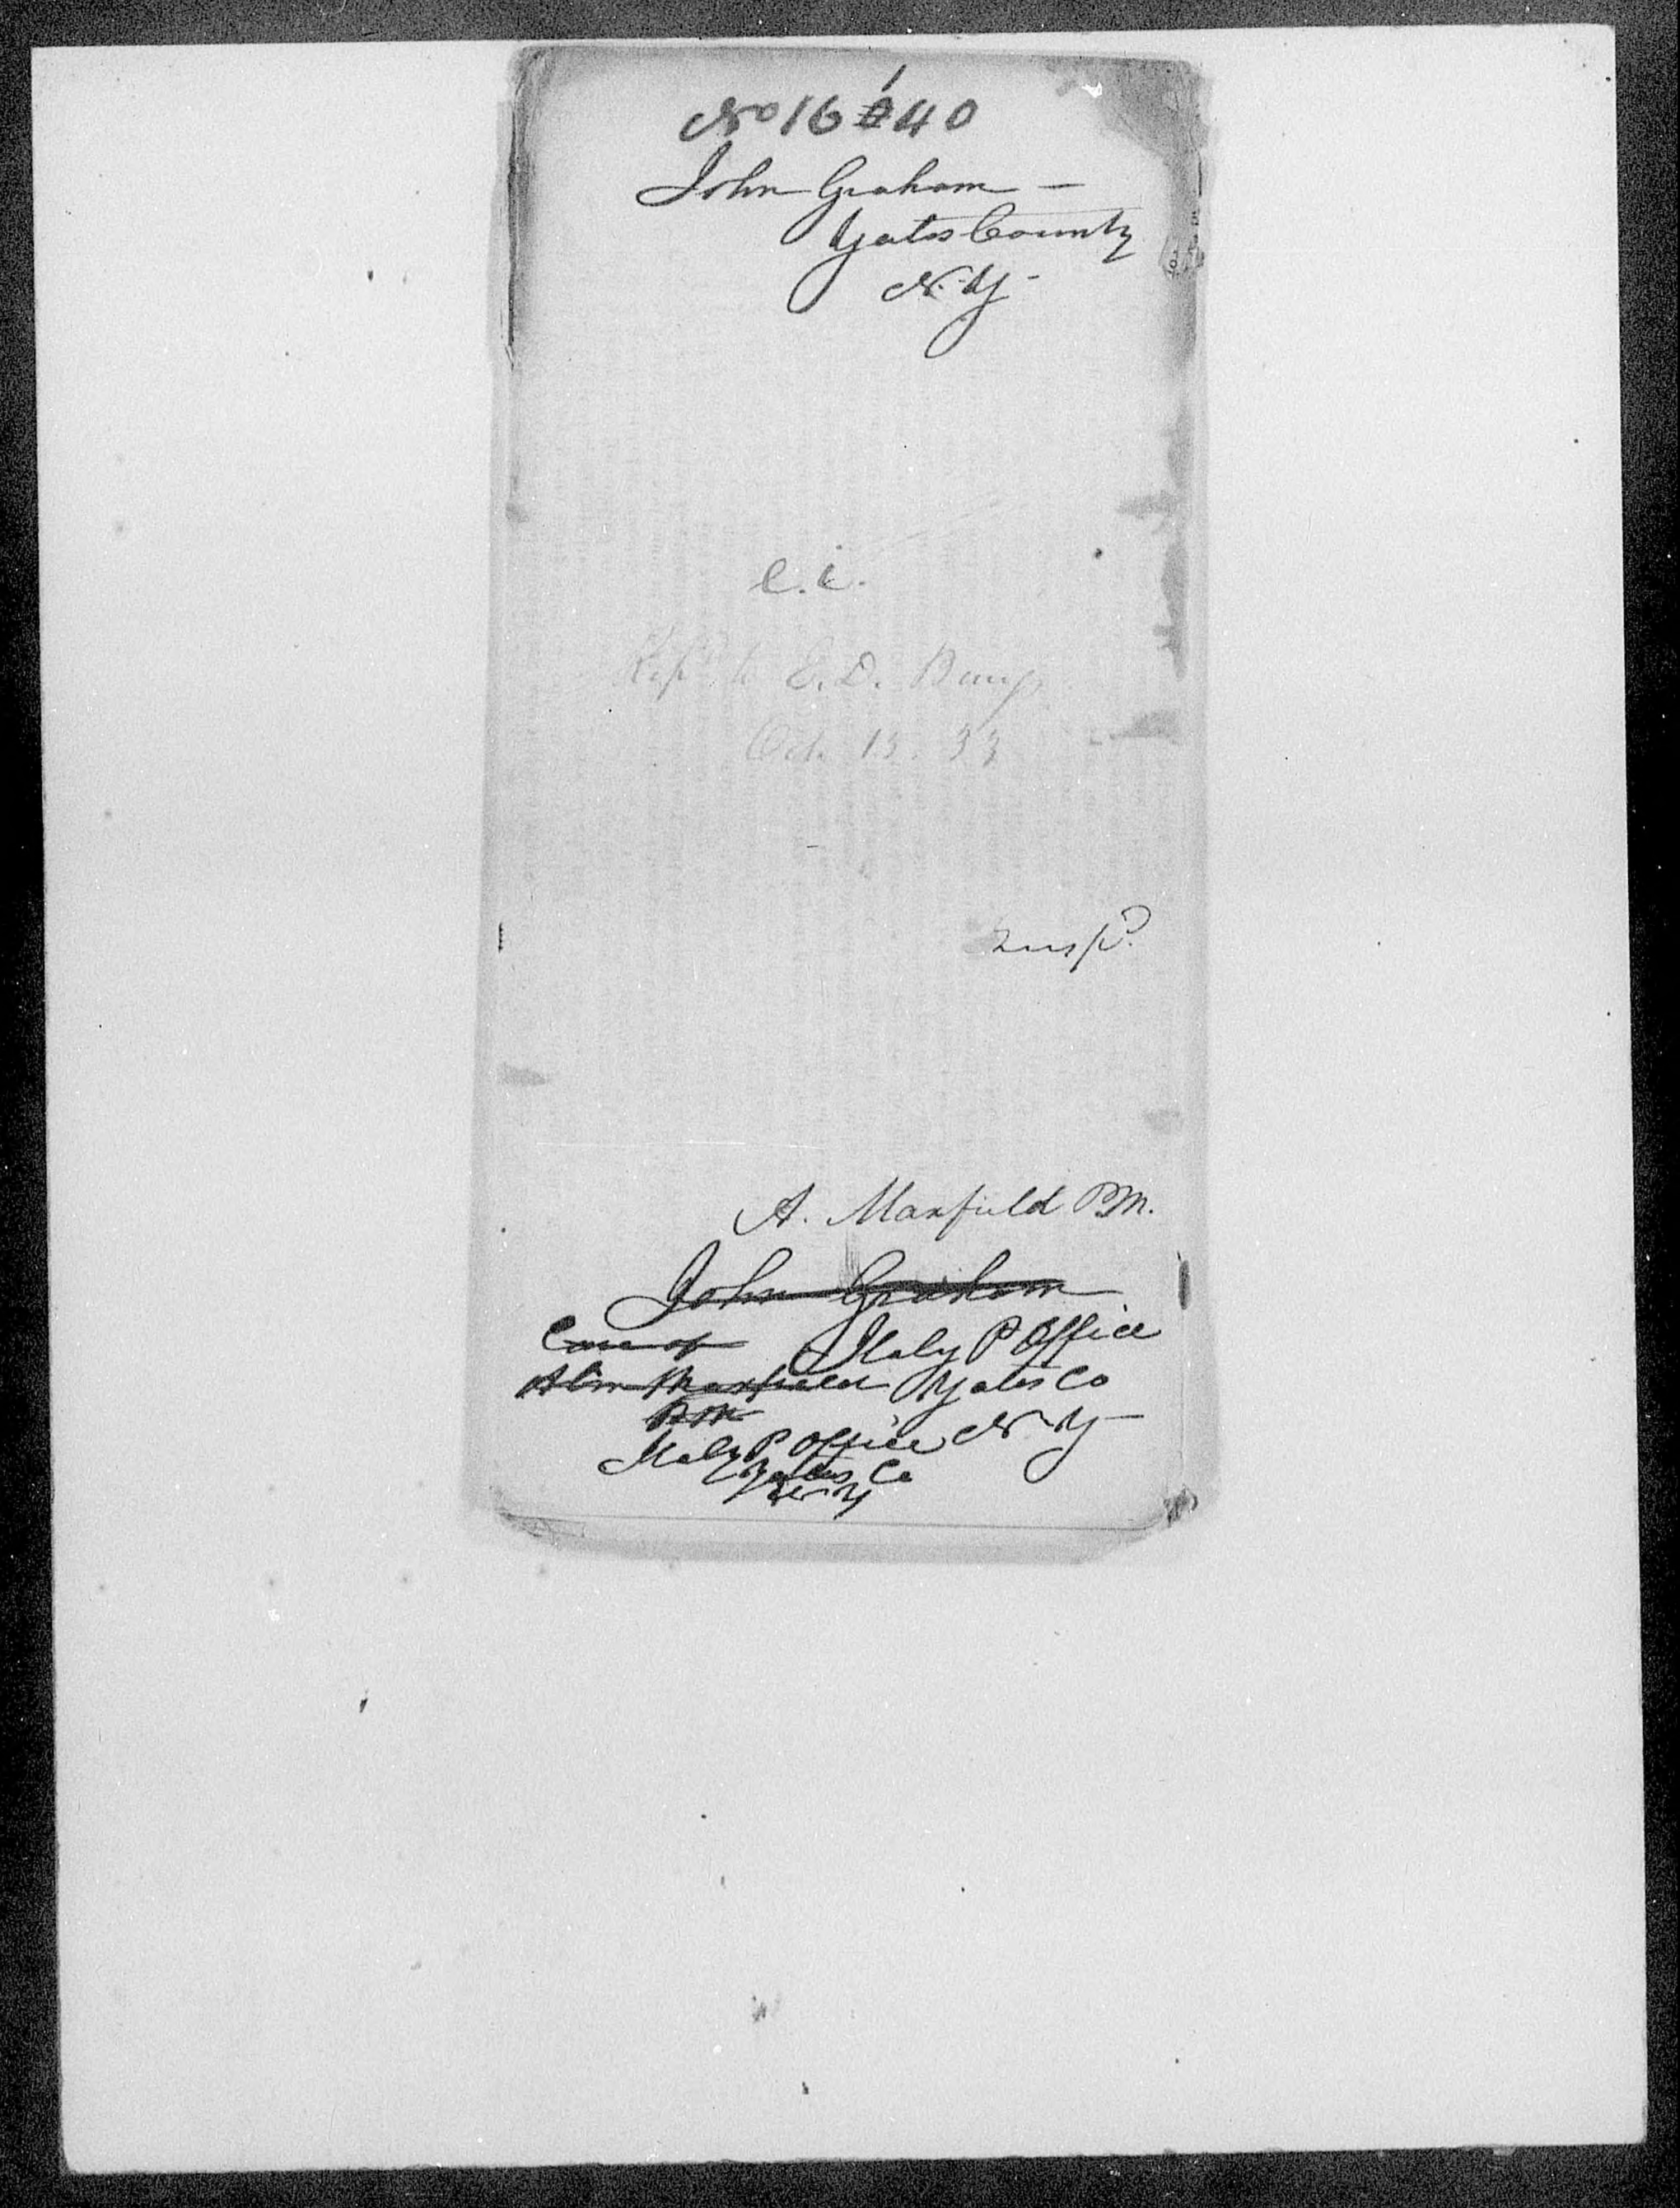No 16(0 crossed out)140
John Graham
Yates County
N.Y.


e.i.
Reply to E. D. Bangs
Oct. 15, 33

Mass?


A. Maxfield PM
(John Graham case of Alin Maxfield PM crossed out)
Italy P Office 
Yates Co
NY-
Italy P office
Yates Co
NY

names: A Maxfield, John Graham, E D Bangs, John Graham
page: 9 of 28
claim: survivor's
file: S. 22799, John Graham, Mass